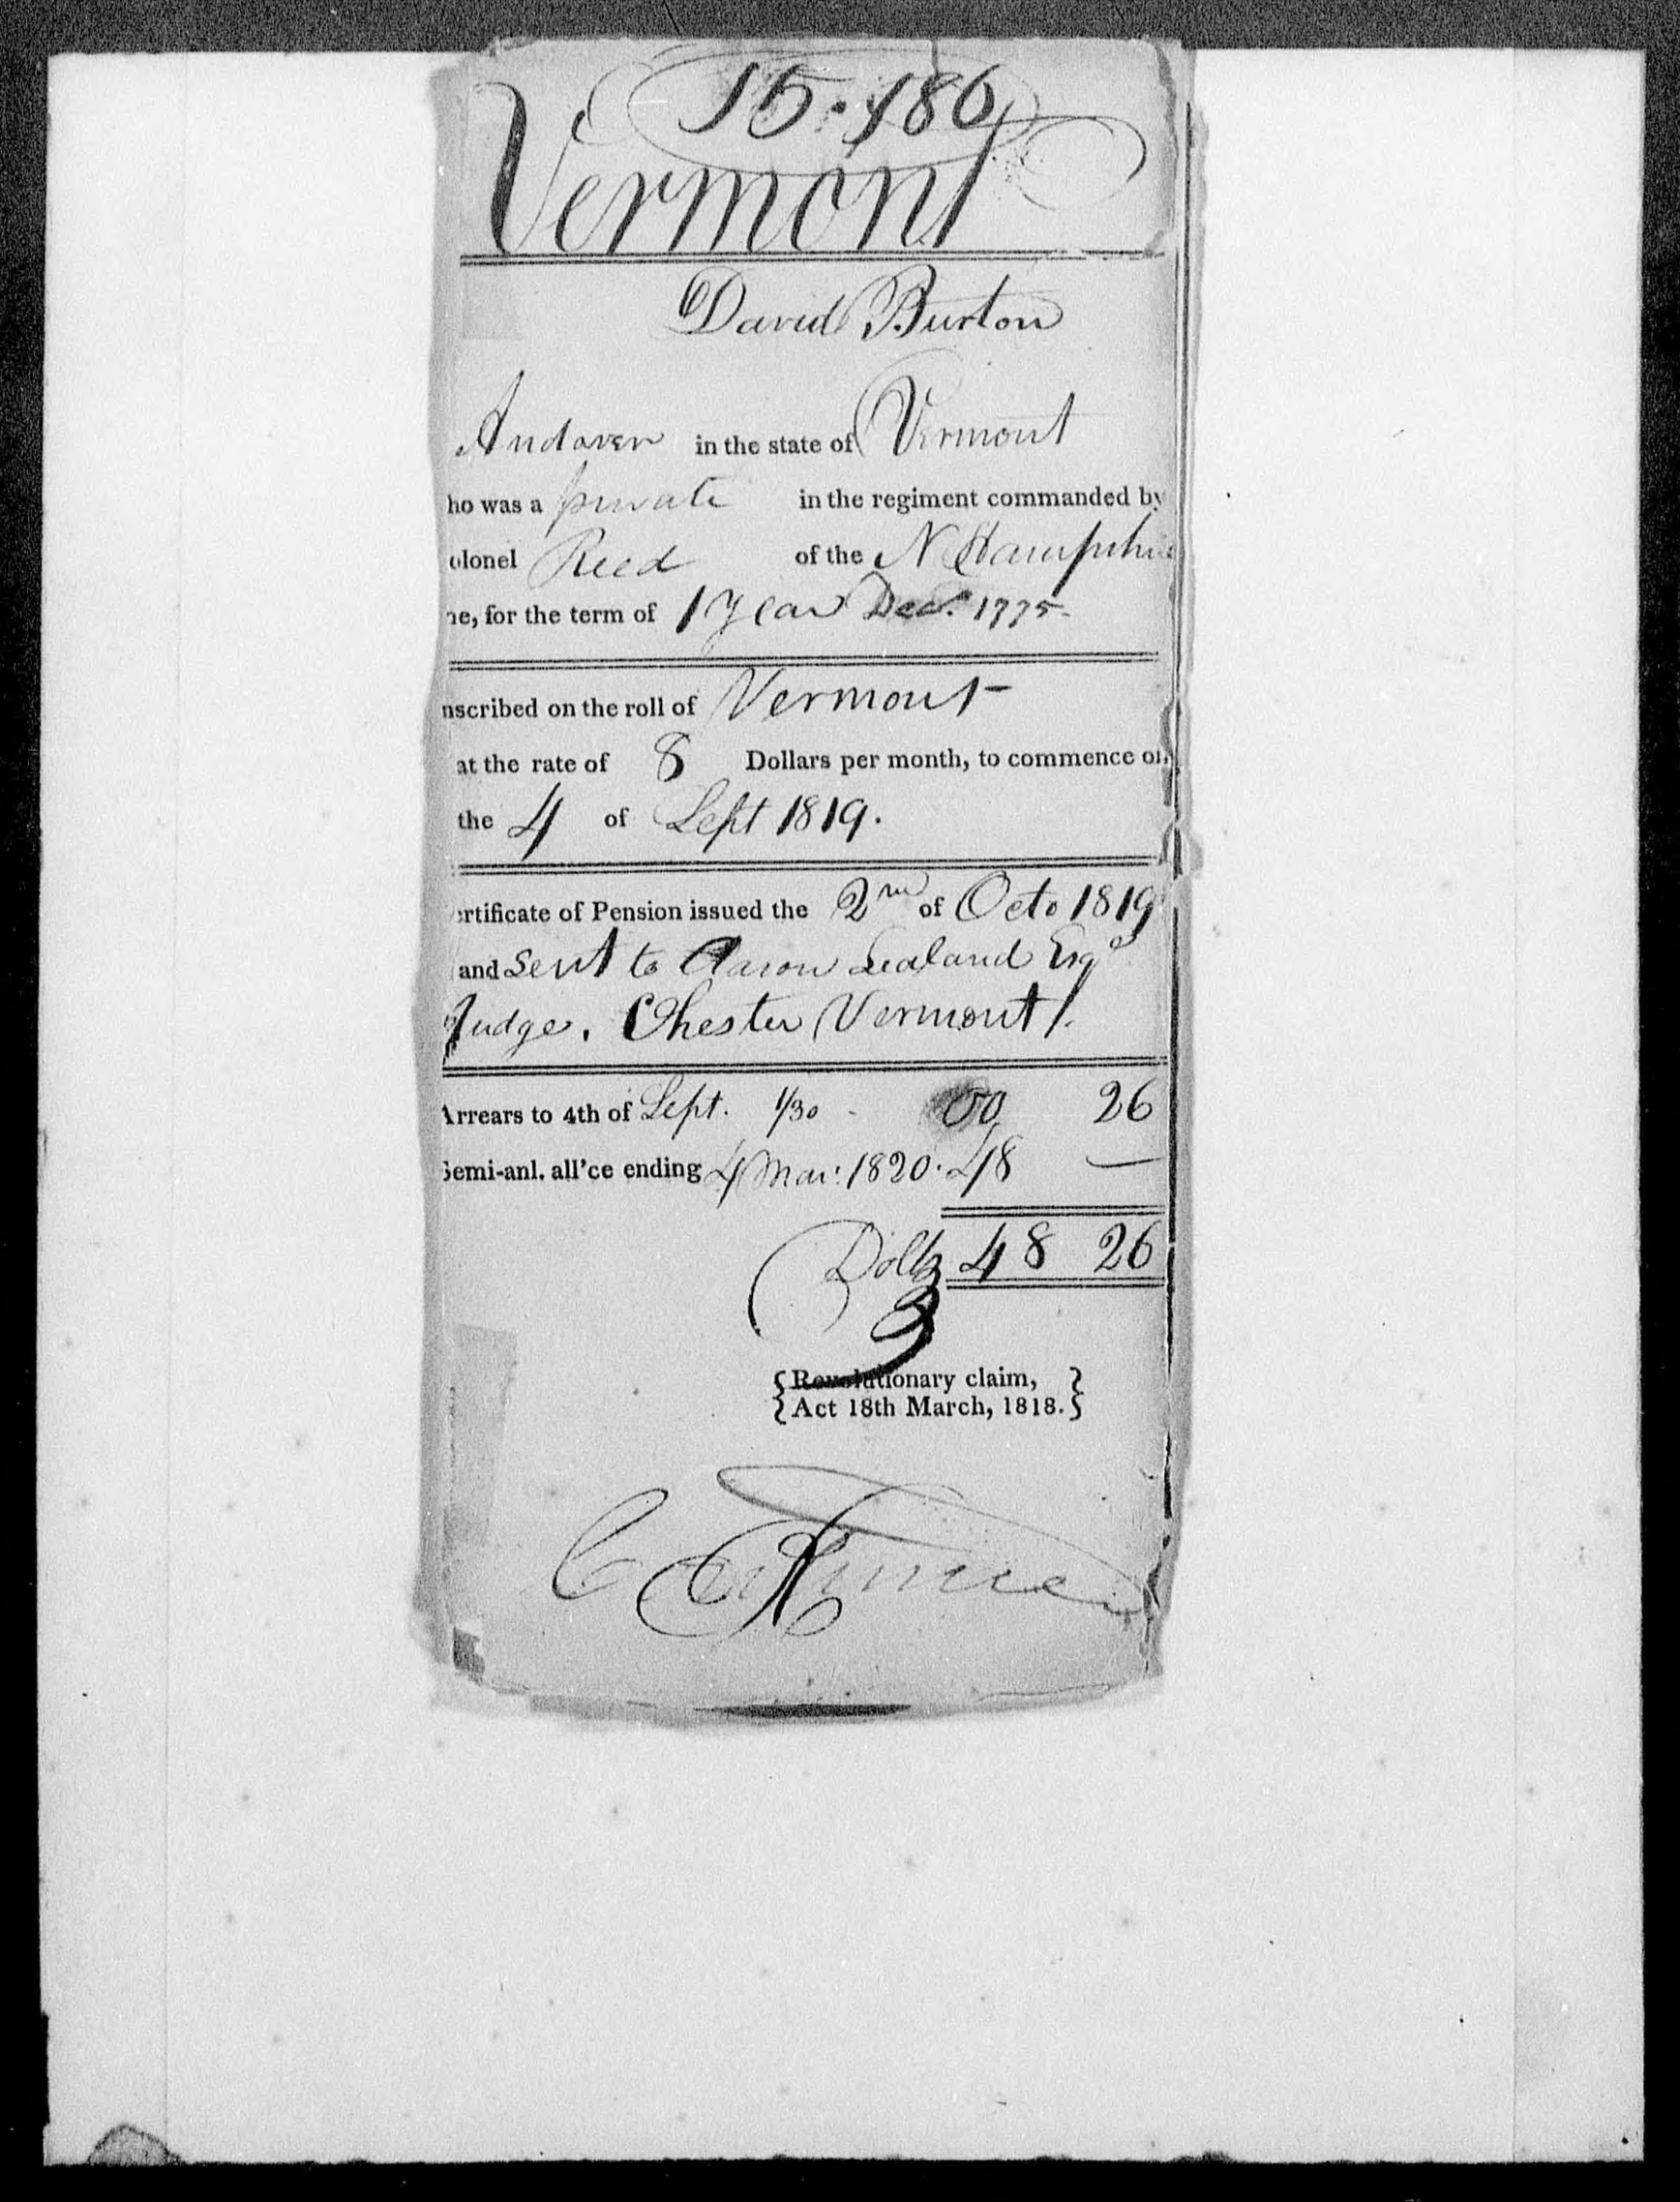15186
Vermont
David Burton
of Andover in the state of Vermont
who was a private in the regiment commanded by Colonel Reed of the N. Hampshire line for the ter of 1 year Dec 1775

Inscribed on the roll of Vermont at the rate of 8 dollars per month to commence on the 4 of Sept 1819

Certificate of pension issued the 2nd of Oct 1819 and sent to Aaron Lealand Esq Judge, Chester, Vermont

Arrears to 4th of Sept 1/30 $00.26
Semi.anl all'ce ending 4 Mar 1820 $48.00
$48.26

{Revolutionary Claim Act 18th March 1818}

Continued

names: C C Prince, Aaron Lealand, David Burton, Reed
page: 2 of 18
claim: survivor's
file: S. 40773, David Burton, N.H.